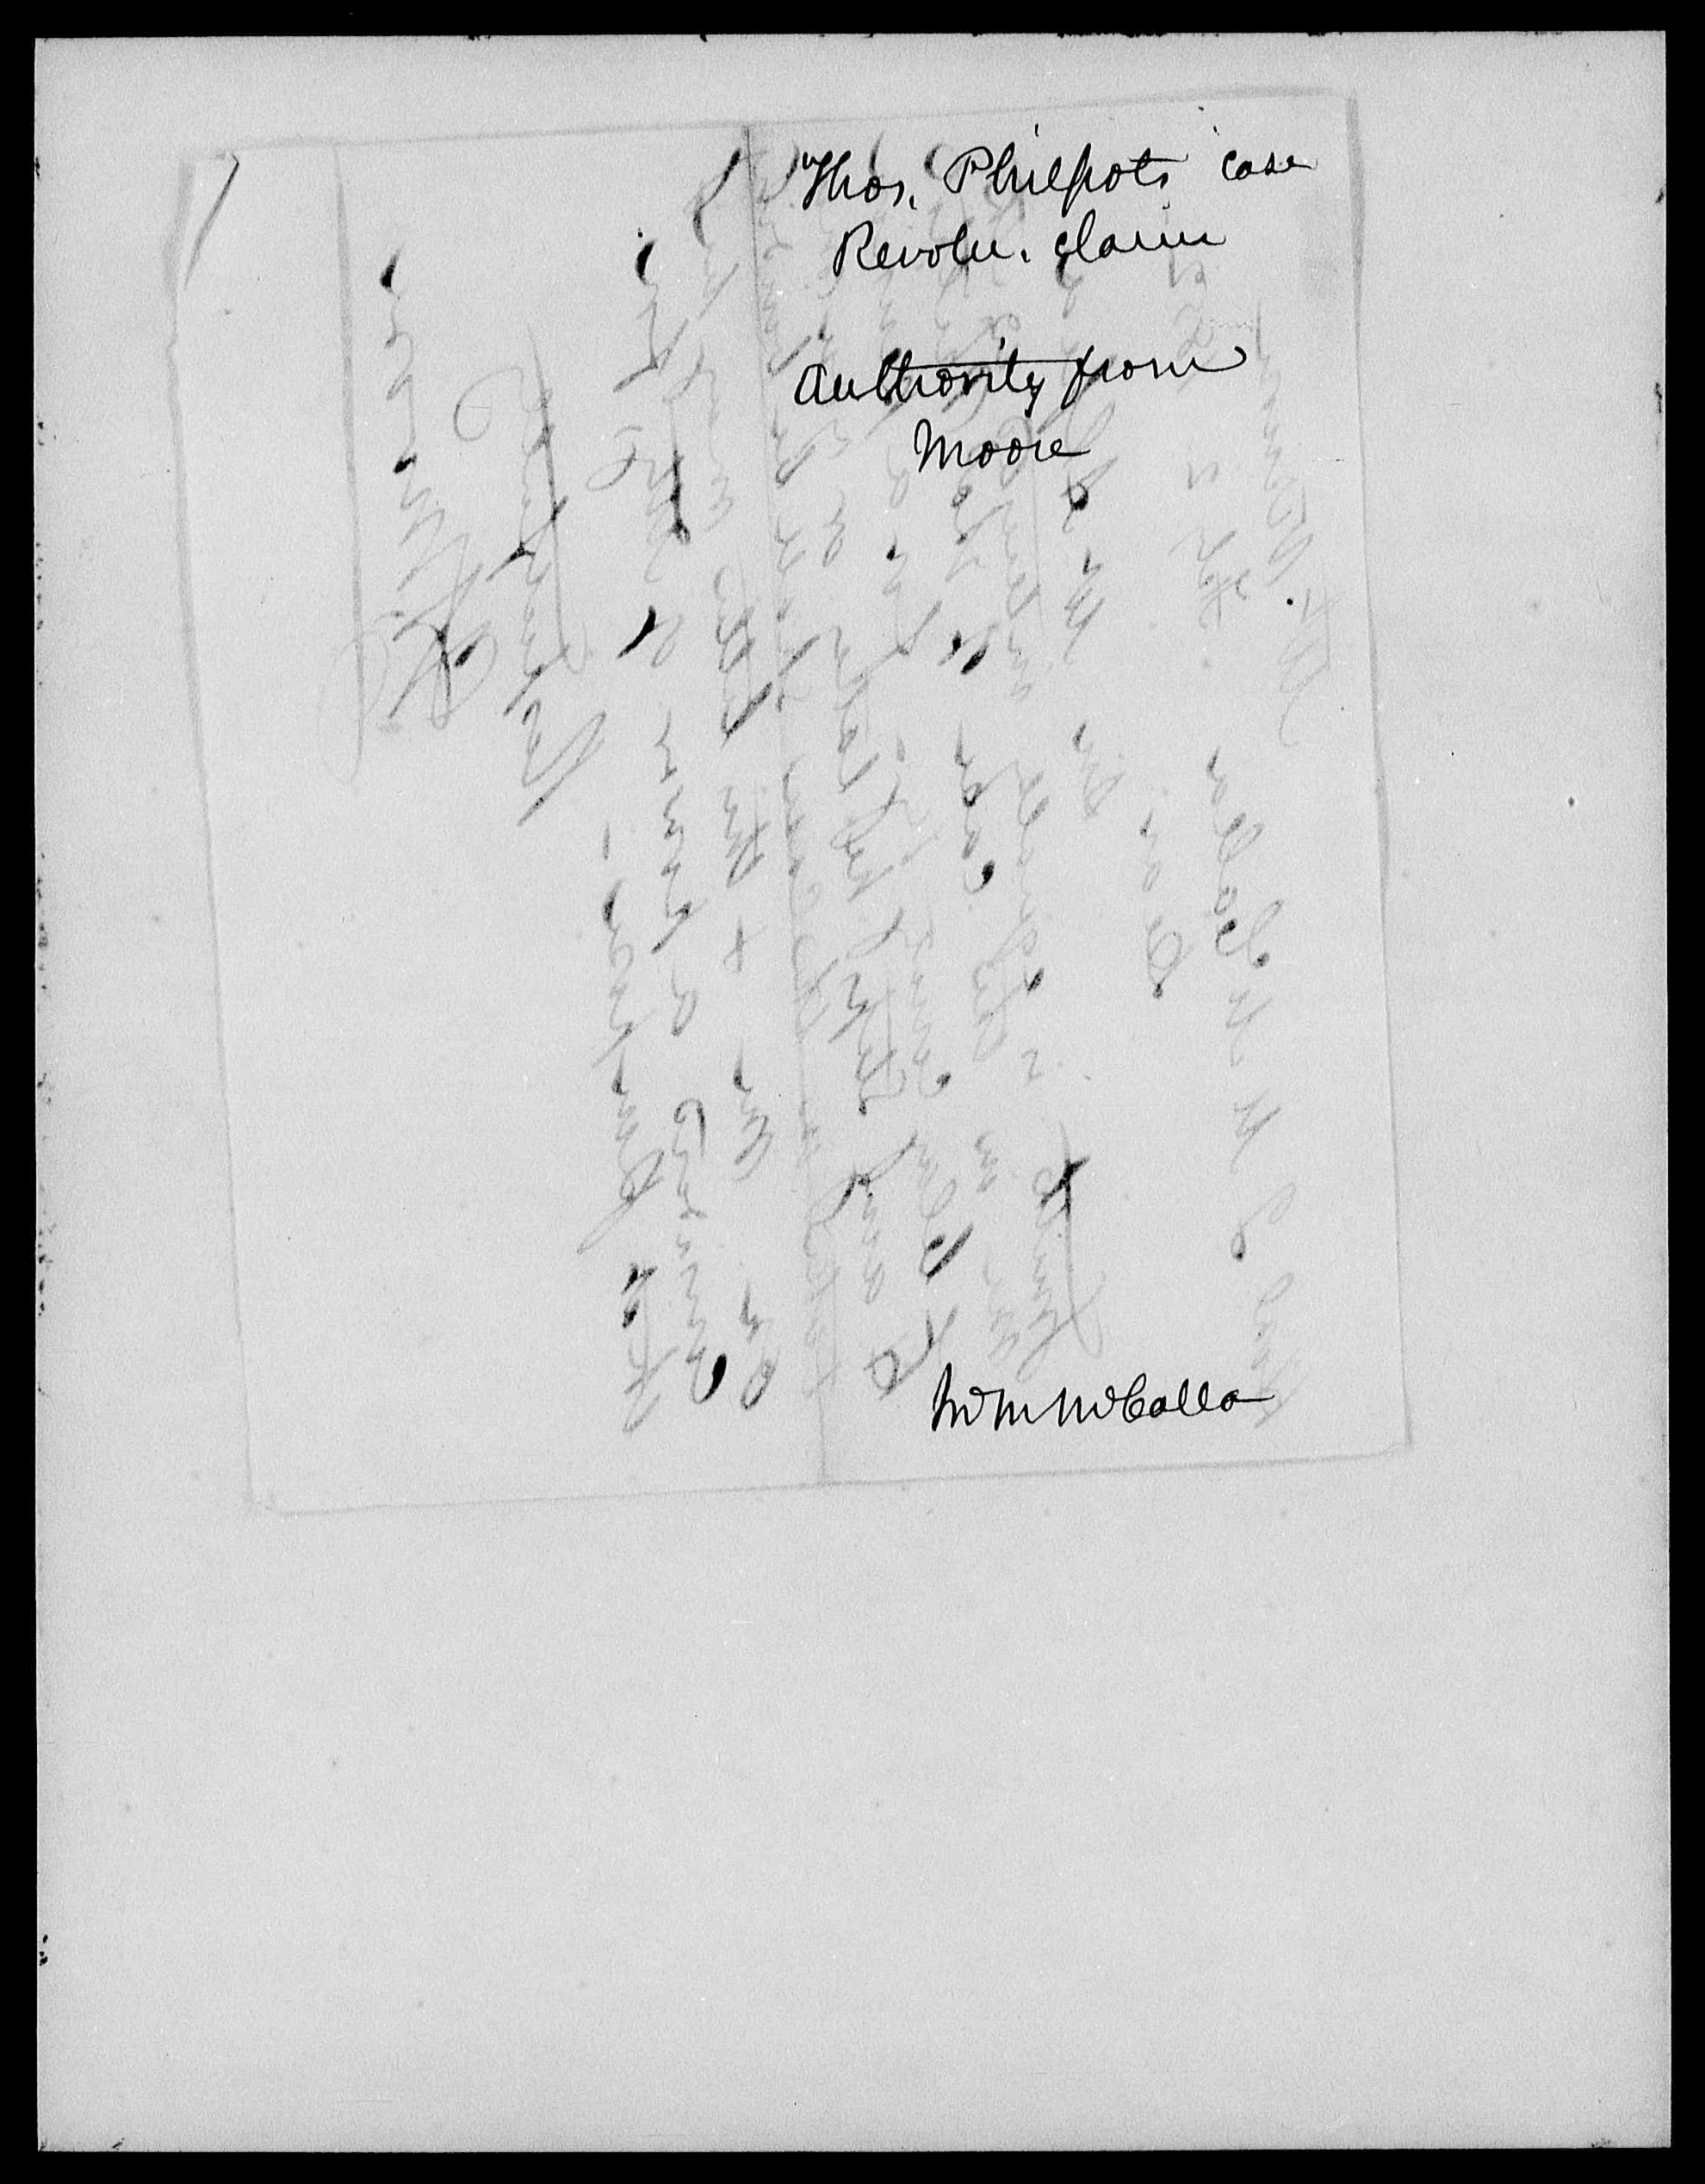Thos Philpot case
Revolu Claim
Authority from Moore
Jno M McCalla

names: Thos Philpot; Jno M Mc Calla; [BLANK] Moore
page: 19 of 43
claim: rejected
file: R. 8217, for Thomas Philpot, South Carolina